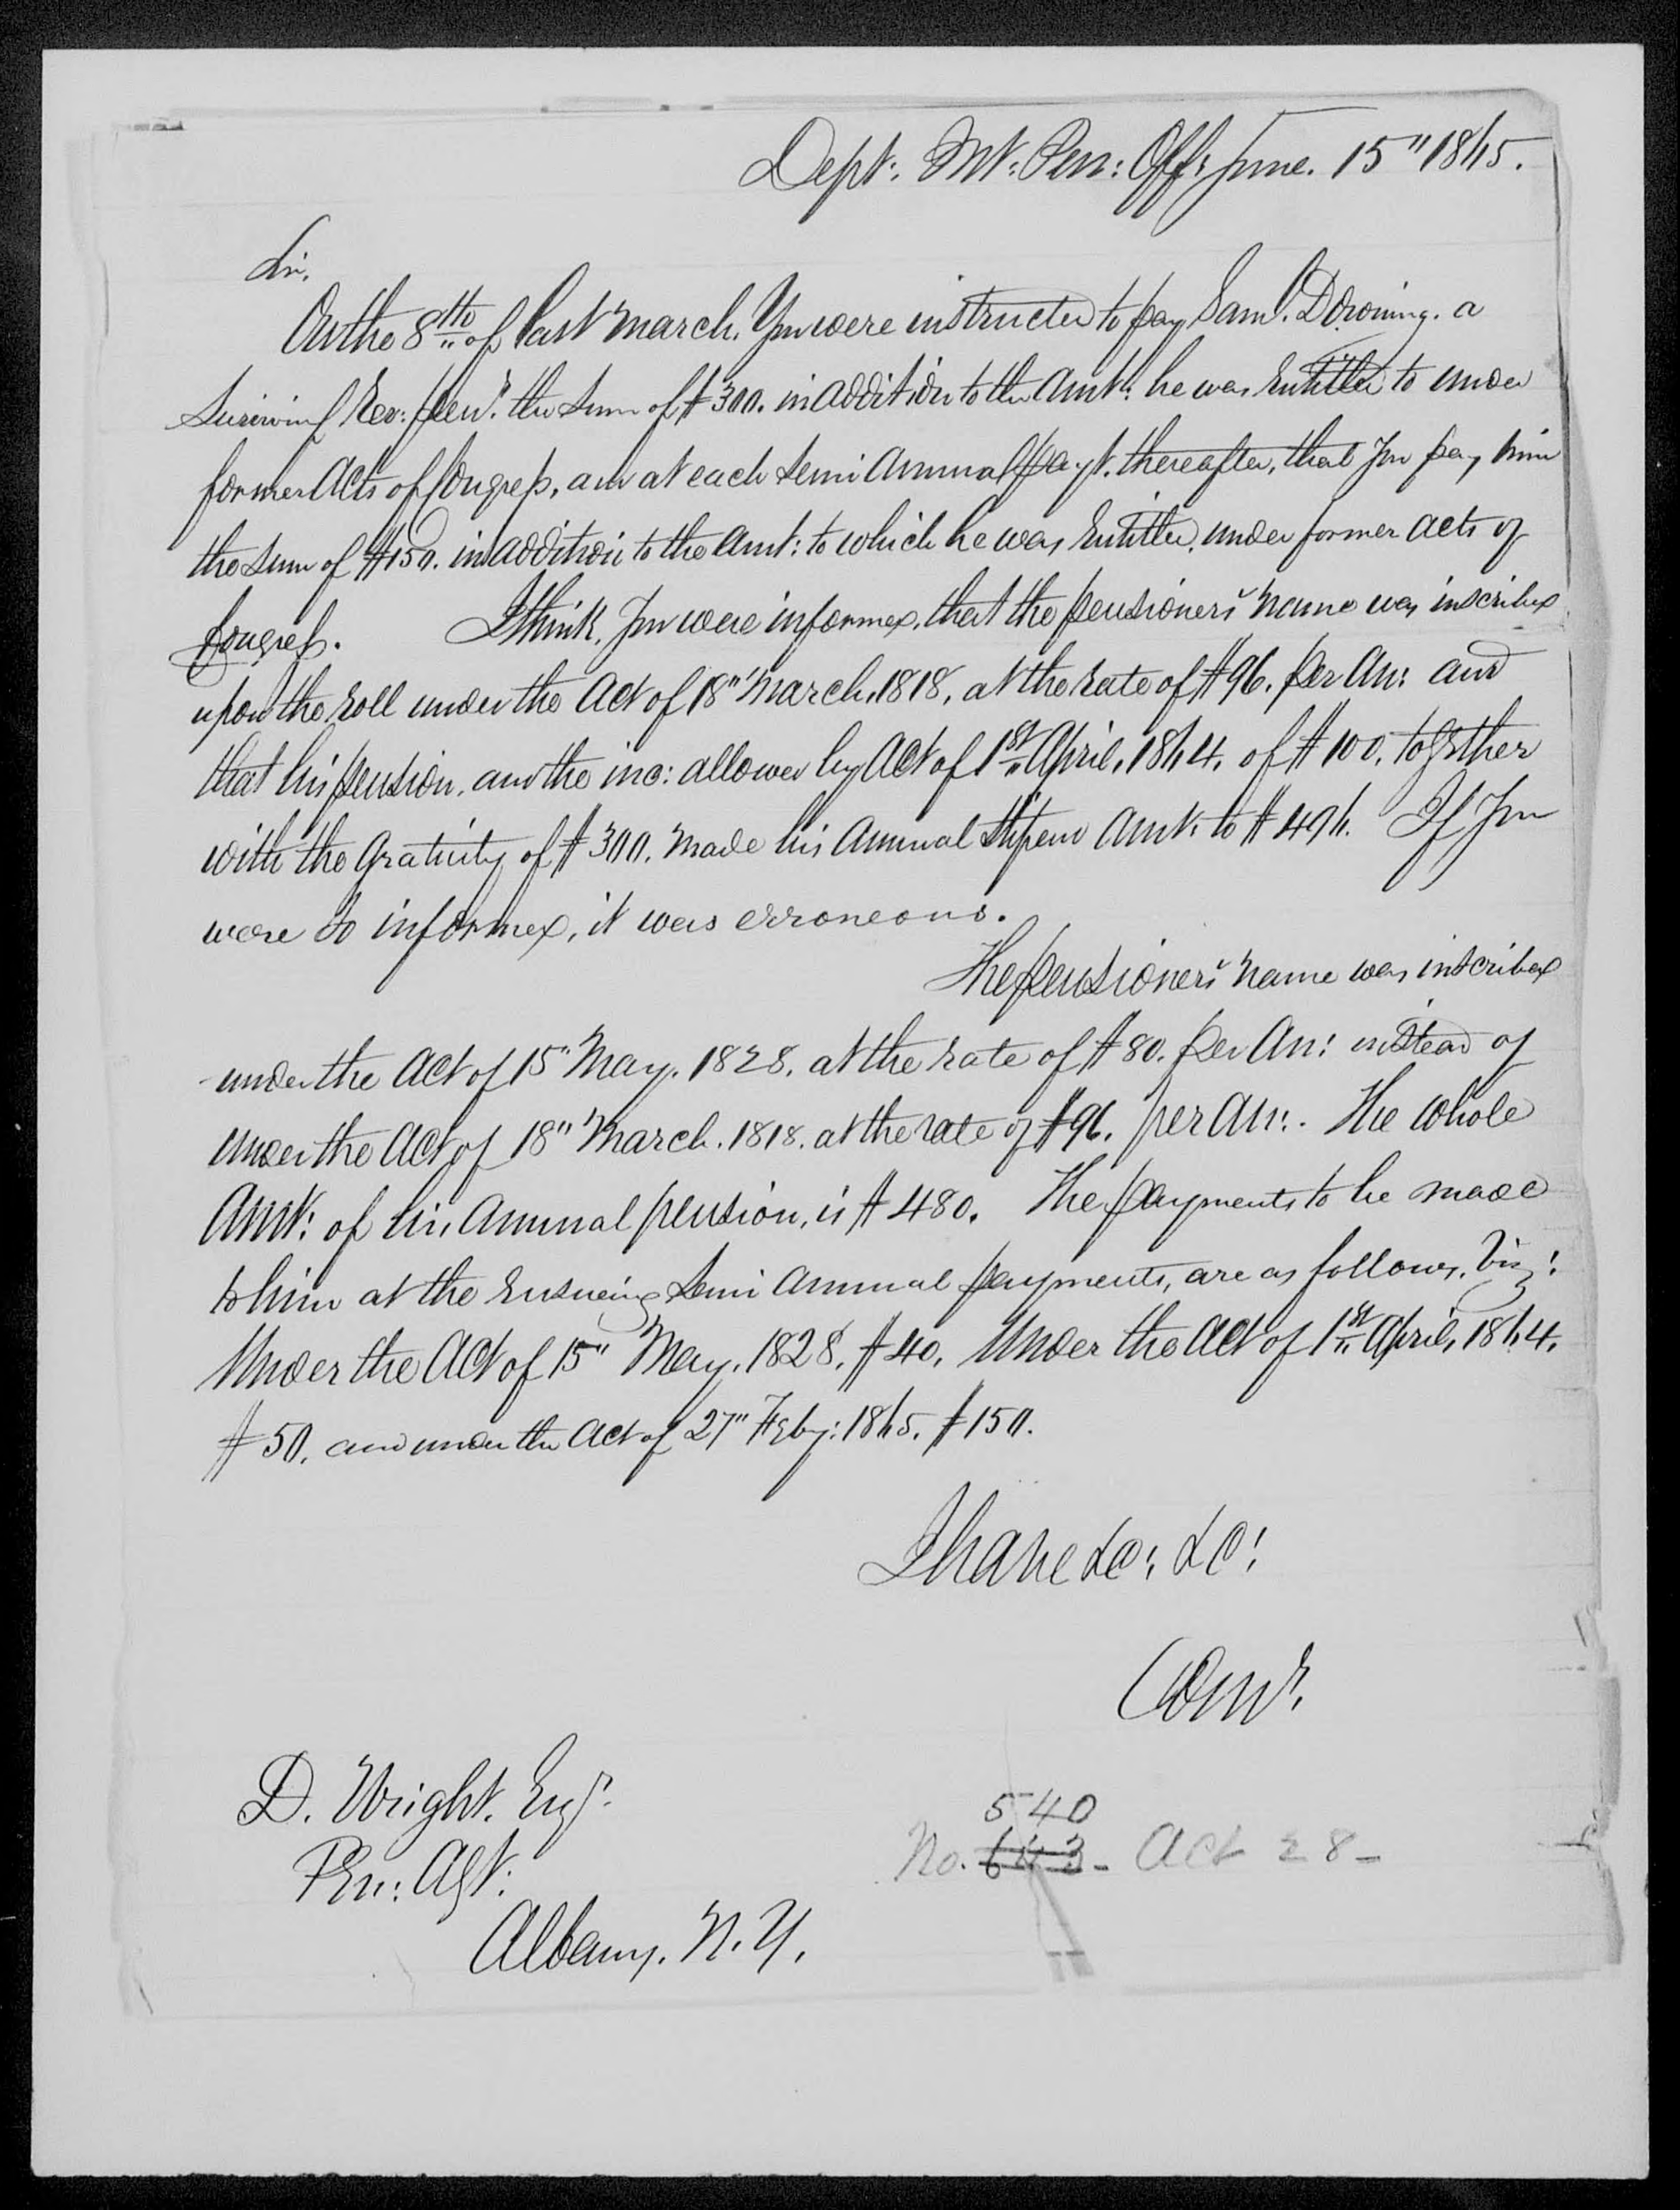Dept: Int: Pen: Off: June 15, 1865.
Sir,
On the 8th of last March, You were instructed to pay Saml Downing a
Surviving [unreadable] the sum of $300 in addition to the amt, he was entitled to under
former acts of Congress, and at each semi annual pay, thereafter, that he pay him
the sum of#150 in addition to the amt: to which he was entitled under former acts of
the sum of
I think you were informed, that the pensioners name was inscribed upon the roll under the
the Act of 18 March 1818, at the rate of #96 per Anum and that his pension, and the inc: allowed by act of 1st April, 1844 of $100, together
with the gratuity of $300. made his Annual Stipend Amb to 494. If you were to informed, it was erroneous. The pensioner's name was inscribed
under the act of 15 May 1828, at the rate of #80 per An: instead of
under the Act of 18 March 1818, at the rate of #96 per an: The whole
Amt. of his Annual pension, is #480.
the payments to be made
to him at the ensueing semi annual payments, are as follows, viz:
Under the act of 15th May, 1828, $40, under the Act of 1st April, 1844,
#50, and under the act of 27" Feby 1865. $150
Thank you: &c:
D. Wright Esq.
Pen: Aft.
Albany, N.Y.
540
No. 43

Act 28 -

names: Saml Downing, D Wright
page: 55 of 56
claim: survivor's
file: S. 40,055, Samuel Downing, N.H.